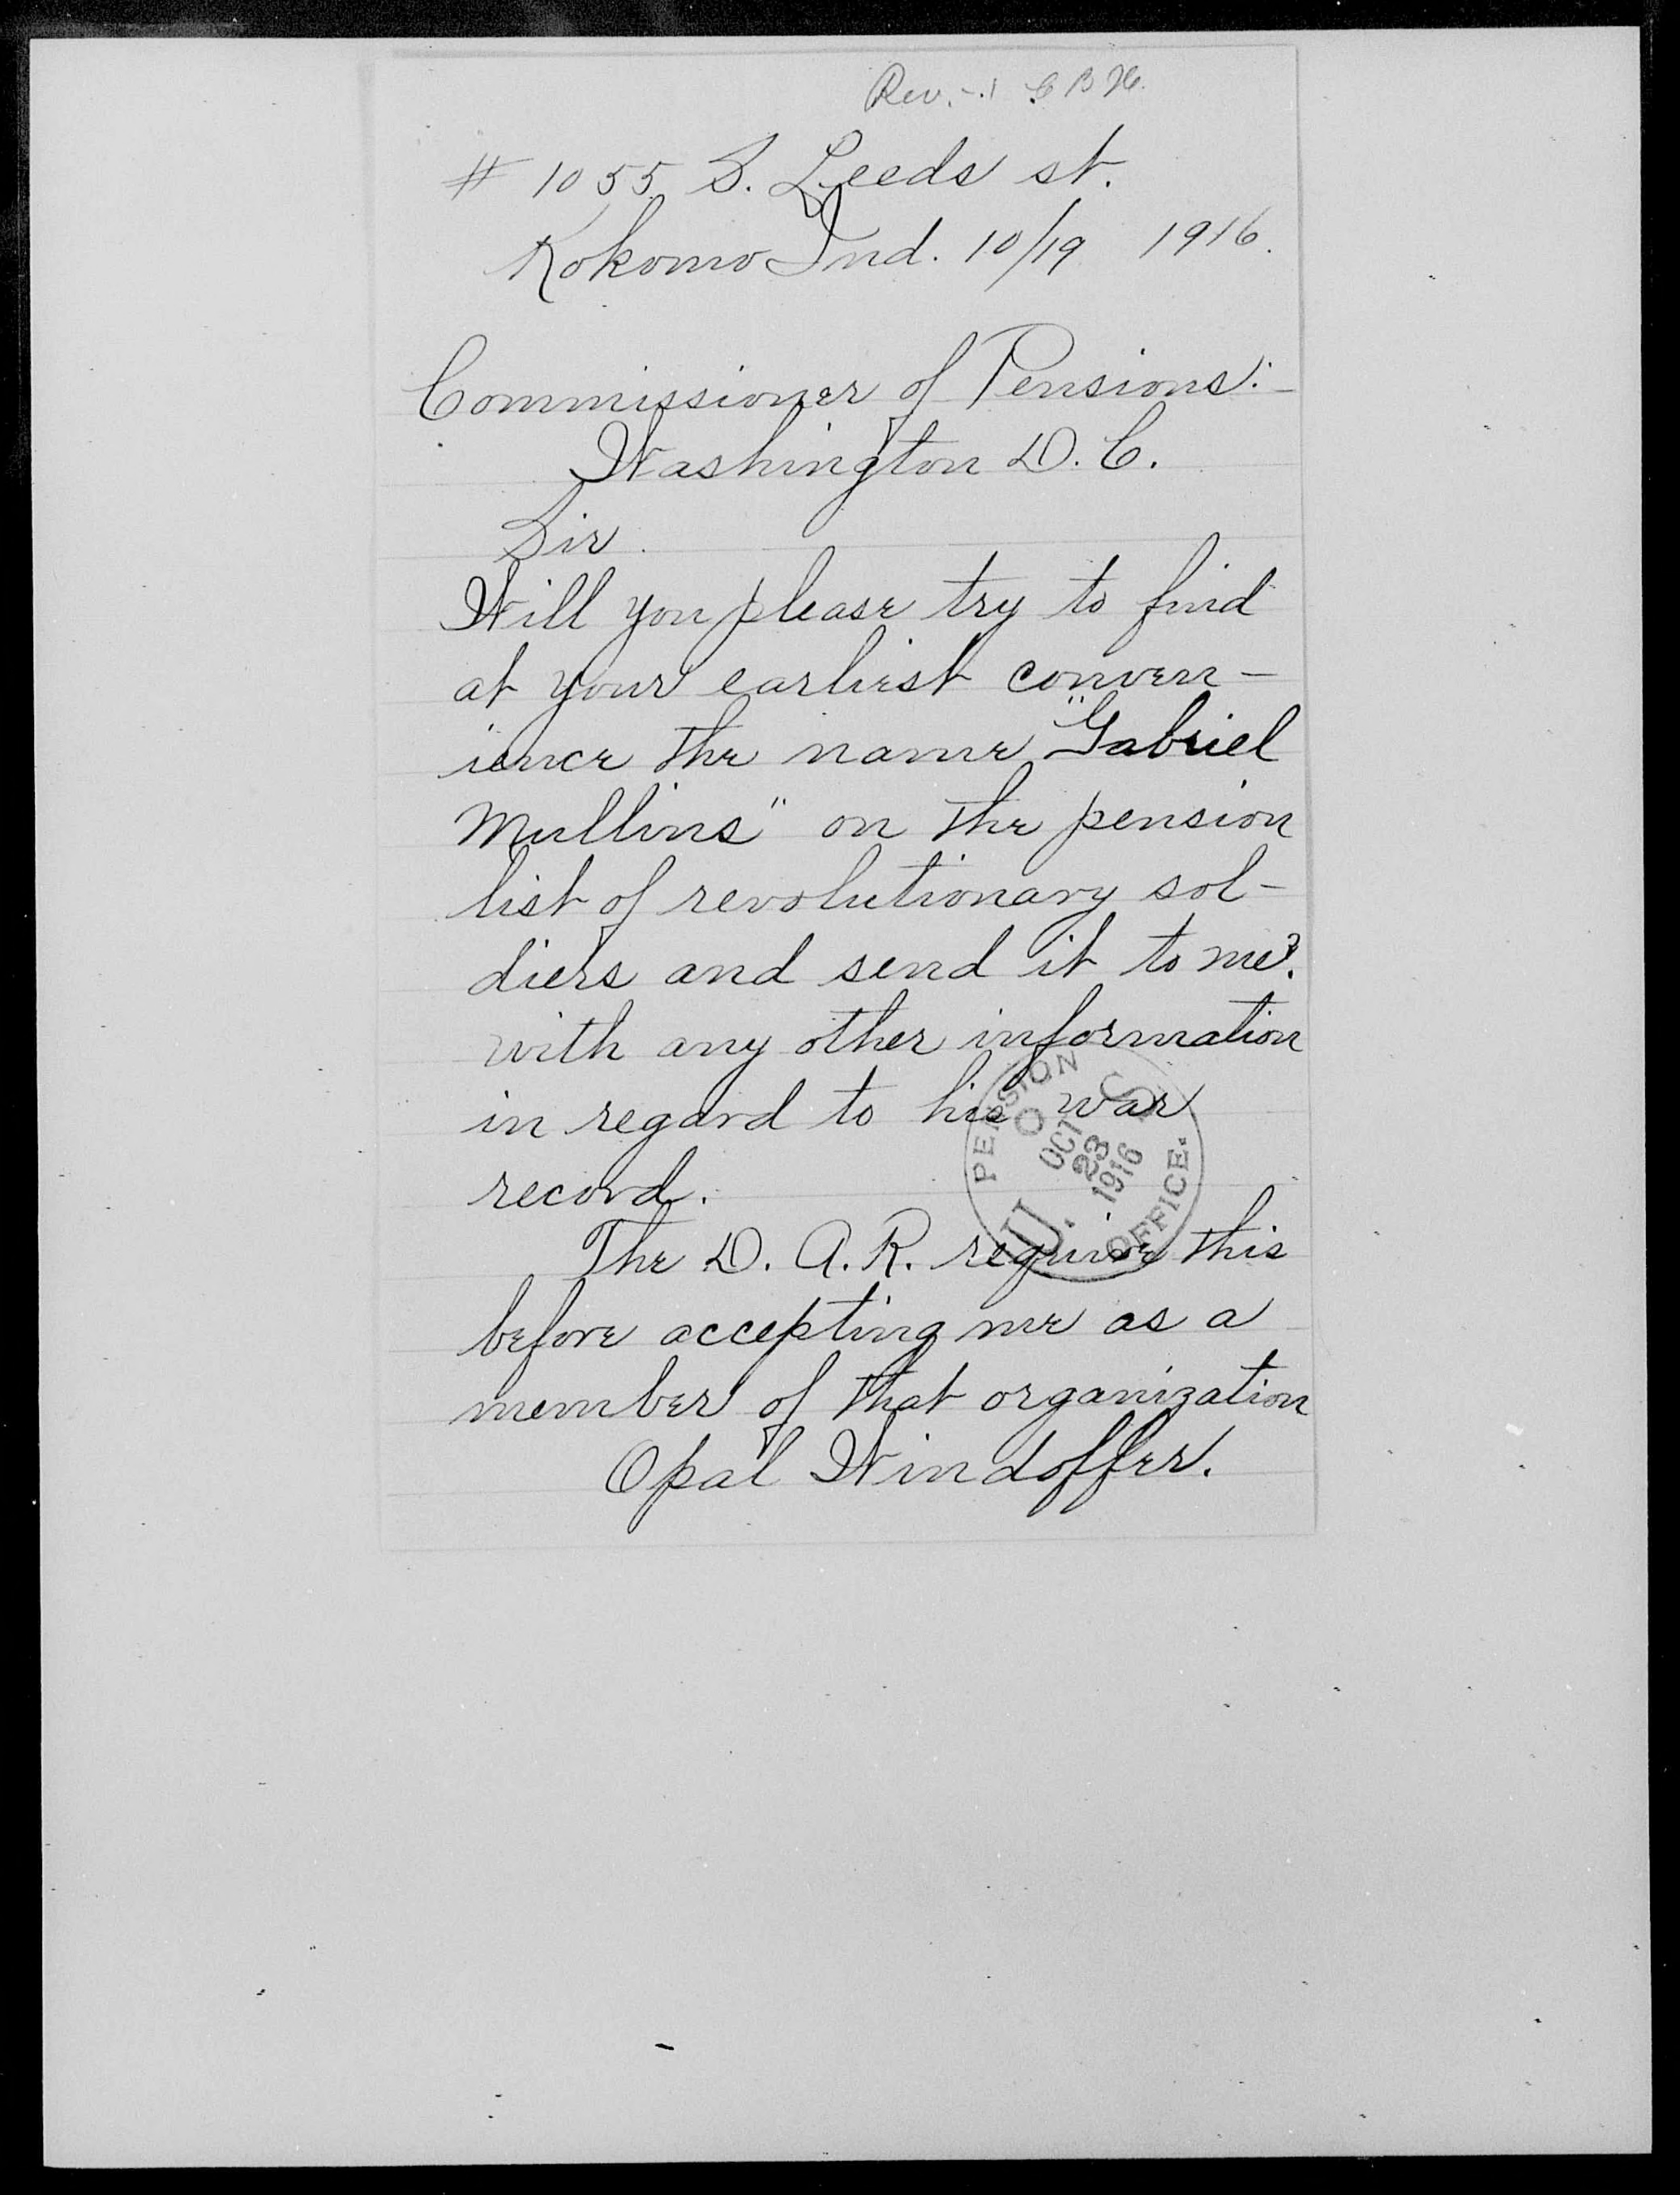Rev. -1 C.B.H.
#1055 S. Leeds St.
Kokomo Ind. 10 /19  1916
Commissioner of Pensions:
Washington D.C.
Sir
Will you please try to find
at your earliest convenience
the name "Gabriel
Mullins" on the pension
list of revolutionary soldiers
and send it to me.
with any other information
in regard to his war
record.
The D.A.R. required this
before accepting me as a
member of that organization 
Opal Windoffer.

[stamp:] U.S. Pension Office Oct 23, 1916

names: Opal Windoffer; Gabriel Mullins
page: 28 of 34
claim: survivor's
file: S. 30608, for Gabrel Mullins, Virginia